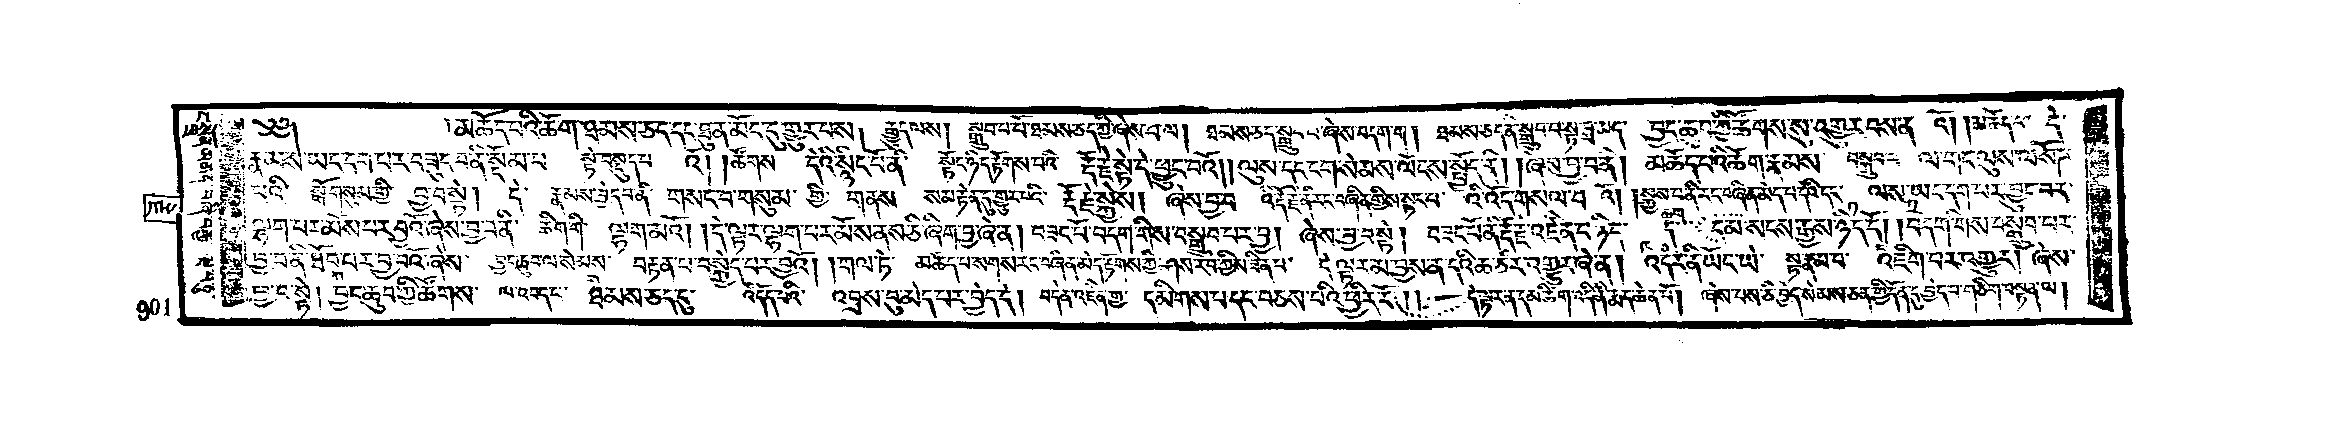༄༅། །མཆོད་པའི་ཆོ་ག་ཐམས་ཅད་དང་ཐུན་མོང་དུ་གྱུར་པས། རྒྱུད་ལས། སྒྲུབ་པ་པོ་ཐམས་ཅད་ཀྱི་ཞེས་པ་ལ། ཐམས་ཅད་སྒྲུབ་པ་ཞེས་བདག་གོ །ཐམས་ཅད་ནི་སྒྲུབ་པ་སྟེ་བླ་མེད་བྱང་ཆུབ་ཀྱི་ཚོགས་སུ་འགྱུར་བས་ནའོ། །མཆོད་པ་དེ་
རྣམས་ཡང་དག་པར་བཟུང་བ་ནི་སྡོམ་པ་སྟེ་བསྡུད་པའོ། ། ཚོགས་དེའི་སྙིང་པོ་ནི་སྟོང་ཉིད་རྟོགས་པའི་རྡོ་རྗེ་སྟེ་དེ་ཕྱུང་བའོ། །ལུས་དང་ངག་སེམས་ལོངས་སྤྱོད་ནི། །ཞེས་བྱ་བ་ནི། མཆོད་པའི་ཆོག་རྣམས་བསྒྲུབ་པ་ལ་གང་ལུས་ལ་སོགས་
པའི་སྒོ་གསུམ་གྱི་བྱ་བ་སྟེ། དེ་རྣམས་བྱེད་པ་ནི་གསང་བ་གསུམ་གྱི་གནས་སམ་རྟེན་དུ་གྱུར་པའི་རྡོ་རྗེ་སྐྱེས། ཞེས་བྱ་བའི་རྡོ་རྗེ་ནི་རང་བཞིན་གྱིས་སྟོང་པའི་འོད་གསལ་བའོ། །སྐྱེས་པ་ནི་རང་བཞིན་མེད་པ་དེའི་ངང་ལས་ཡང་དག་པར་བྱུང་བར་
ལྷག་པར་མོས་པར་བྱའོ་ཞེས་བྱ་བ་ནི་ཚིག་གི་ལྷག་མའོ། །དེ་ལྟར་ལྷག་པར་མོས་ནས་ཅི་ཞིག་བྱ་ཞེ་ན། བཟང་པོ་བདག་གིས་བསྒྲུབ་པར་བྱ། ཞེས་བྱ་བ་སྟེ། བཟང་པོ་ནི་རྡོ་རྗེ་འཛིན་པ་ཉིད་ཆག་དེ་དམ་སངས་རྒྱས་ཉིད ༡་དོ། །བདག་གིས་བསྒྲུབ་པར་
བྱ་བ་ནི་ཐོབ་པར་བྱ་བའོ་ཞེས་བྱང་ཆུབ་ལ་སེམས་བརྟན་པ་བསྐྱེད་པར་བྱའོ། །གལ་ཏེ་མཆོད་པ་སོགས་རང་བཞིན་མེད་རྟོགས་ཀྱི་ཤེས་རབ་ཀྱིས་ཟིན་པ་དེ་ལྟར་མ་བྱས་ན་དེའི་ཆ་ཅིར་འགྱུར་ཞེ་ན། འདིར་ནི་ཡོང་ཡེ་སྟེ་རྣམ་པ་འཇིག་པར་འགྱུར། ཞེས་
བྱ་བ་སྟེ། བྱང་ཆུབ་ཀྱི་ཚོགས་ལ་?་འབད་པ་ཐམས་ཅད་དུ་འདོད་པའི་འབྲས་བུ་མེད་པར་བྱེད་དེ། བདེན་འཛིན་གྱི་དམིགས་པ་དང་བཅས་པའི་ཕྱིར་རོ། །H དེ་ལྟར་ན་དམ་ཚིག་འདི་ནི་རྨད་ཆེན་པོ། ཞེས་པས་ཅི་བྱེད་སེམས་ཅན་གྱི་དོན་དུ་བྱེད་པ་གཅིག་བསྟན་ལ།